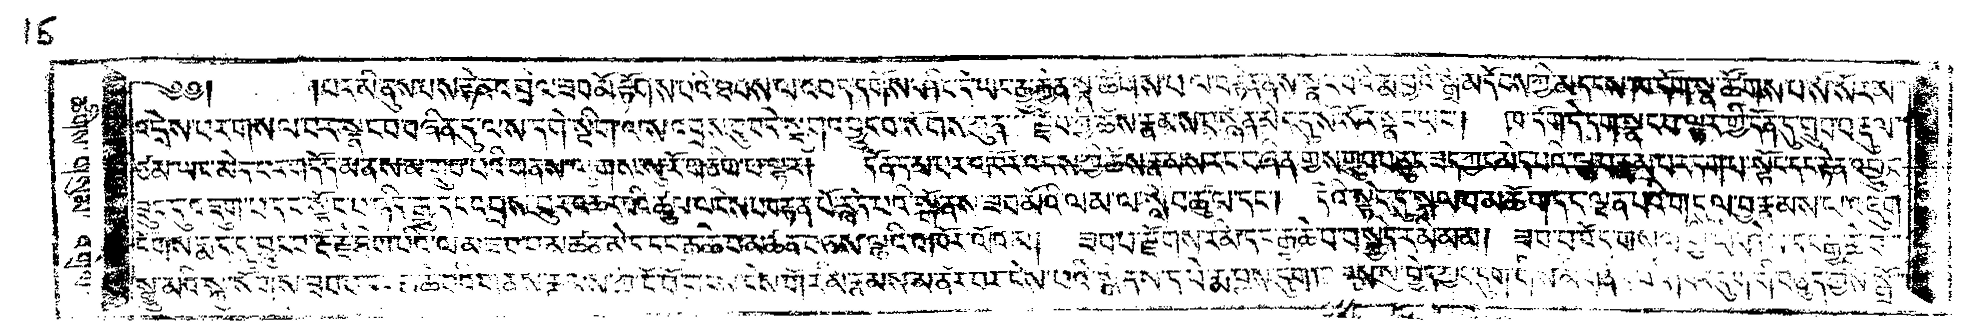༄༅། །པར་མི་ནུས་པས་རྟེན་འབྲེལ་ཟབ་མོ་རྟོགས་པའི་ཐབས་ལ་འབད་དགོས་ཤིང་དེ་ཡང་རྒྱུ་རྐྱེན་སྣ་ཚོགས་པ་ལ་བརྟེན་ནས་སྣང་བའི་རྨ་བྱའི་སྒྲོ་མདོབས་ཀྱི་མདངས་ཁ་དོག་སྣ་ཚོགས་པ་སོ་སོར་མ་
འདྲེས་པར་གསལ་བར་སྣང་བ་བཞིན་དུ་ལས་དགེ་སྡིག་ལས་འབྲས་བུ་བདེ་སྡུག་འབྱུང་བ་སོགས་ཀུན་རྫོབ་ཀྱི་ཆོས་རྣམས་བསྙོན་མེད་དུ་སོ་སོར་སྣང་ཡང་། ཁ་དོག་དེ་དག་སྣང་བ་ལྟར་གྱི་དོན་དུ་གྲུབ་བ་རྡུལ་
ཙམ་ཡང་མེད་པར་གདོད་མནས་མ་གྲུབ་པའི་གནས་ལུགས་སུ་རོ་གཅིག་པ་ལྟར། དོན་དམ་པར་འཁོར་འདས་ཀྱི་ཆོས་རྣམས་རང་བཞིན་གྱིས་གྲུབ་པ་ཅུང་ཟད་ཀྱང་མེད་པའི་ལྟ་བ་རྣམ་པར་དག་པ་སྟོང་དང་རྟེན་འབྱུང་
ཟུང་དུ་འཇུག་པ་དང་སྟོང་པ་ཉིད་རྒྱུ་དང་འབྲས་བུར་འཆར་བའི་ཚུལ་ལ་ངེས་པ་བརྟན་པོ་རྙེད་པའི་སྒོ་ནས་ཟབ་མོའི་ལམ་ལ་སློབ་ཚུལ་དང་། དེའི་སྟེང་དུ་སྐལ་བ་མཆོག་དང་ལྡན་པའི་གདུལ་བྱ་རྣམས་ལ་འཇུག་
དོགས་རྨད་དུ་བྱུང་བ་རྡོ་རྗེ་ཐེག་པའི་ལམ་ཟབ་བ་མཚན་མེད་དང་རྒྱ་ཆེ་བ་མཚན་བཅས་ལྷའི་འཁོར་ལོའམ། ཟབ་པ་རྫོགས་རིམ་དང་རྒྱ་ཆེ་བ་བསྐྱེད་རིམ་མ་མ། ཟབ་པ་འོད་གསལ་གྱི་ཡེ་ཤེས་དང་རྒྱ་ཆེ་བ་
སྒྱུ་མའི་སྐུ་སོགས་ཟབ་པ་དང་རྒྱ་ཆེ་བའི་གནས་རྣམས་ཀྱི་ངོ་བོ་གྲངས་ངེས་གོ་རིམ་རྣམས་མ་ནོར་བར་ངེས་པའི་སྒོ་ནས་དཔེ་རྨ་བྱས་དུག་ཁ་ཟས་སུ་བྱེད་ཀྱང་དུག་གིས་མི་གནོད་པའི་ཁར་དུག་གི་བཅུད་ཀྱིས་སྒྲོ་